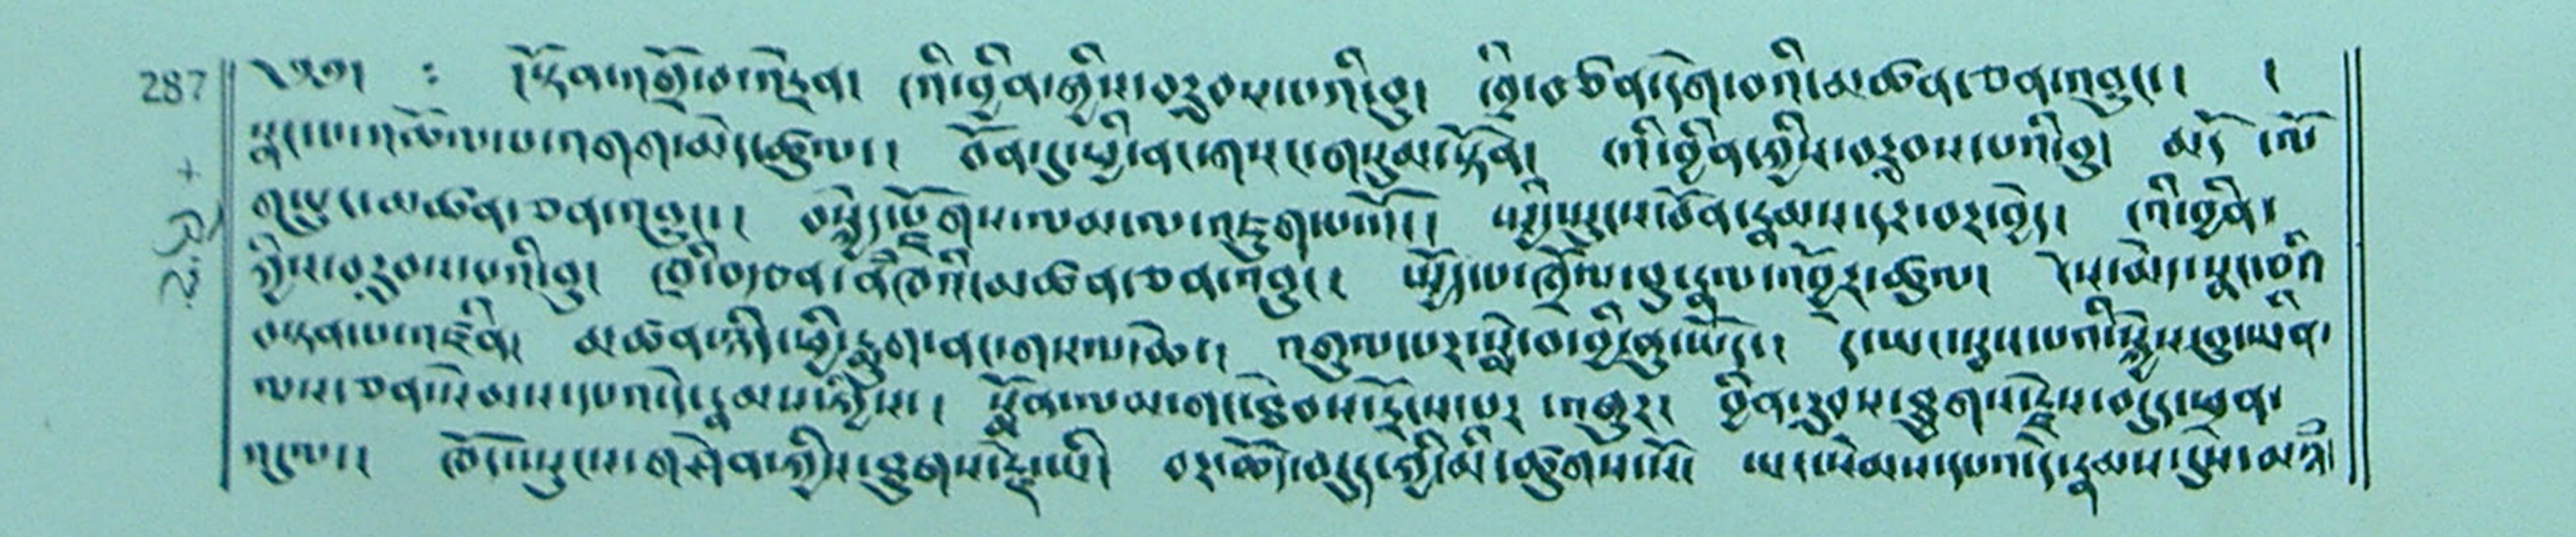༄༅། །དོན་སྟོན་འགྲོ་བ་འདྲེན། ང་ཡི་བྱིན་གྱིས་རླབས་པའི་བུ། ཁྲི་བཙན་དགེ་བའི་མཚན་ཅན་འབྱུང་། 
སྣང་བ་འཆོལ་བ་འགགས་མེད་ཚུལ། བོན་དུ་ཕྱི་ནང་གསང་གསུམ་སྟོན། ང་ཡི་བྱིན་གྱིས་རླབས་པའི་བུ། མདོ་ལོ་
གཡུང་དྲུང་མཚན་ཅན་འབྱུང་། བསྐྱེད་རྫོགས་ལམ་ལ་འཇུག་པ་འོང་། སྤྱི་སྤུངས་བོན་རྣམས་དར་བར་བྱེད། ང་ཡི་བྱིན་
གྱིས་རླབས་པའི་བུ། ཁྲི་བཙན་ནམ་མཁའི་མཚན་ཅན་འབྱུང་། སྤྱོད་པ་ཁྲོལ་བུར་རྣལ་འབྱོར་ཚུལ། ངེས་མེད་སྣང་བའི་
བསྟན་པ་འཛིན། མཚན་ཉིད་ཕྱི་རྨུག་ནང་གསལ་ཆེ། མགུལ་བར་སྨེ་བའི་བྱི་ནུ་ཡོད། དེ་ཡང་སྦས་པའི་སྐྱེས་བུ་ཡིན། 
ལས་ཅན་སེམས་དཔའ་དེ་རྣམས་ཀྱིས། སྨོན་ལམ་གང་ཐེབས་དྲངས་པར་འགྱུར། བྱིན་རླབས་ཐུགས་རྗེས་བདུད་ཕྲན་
འདུལ། ཁོད་སྤུངས་གཤེན་གྱི་ཐུགས་རྗེ་ཡིས། བར་ཆོད་བདུད་ཀྱིས་མི་ཚུགས་སོ། །ཡང་སེམས་དཔའ་དེ་རྣམས་དུས་མཉམ་